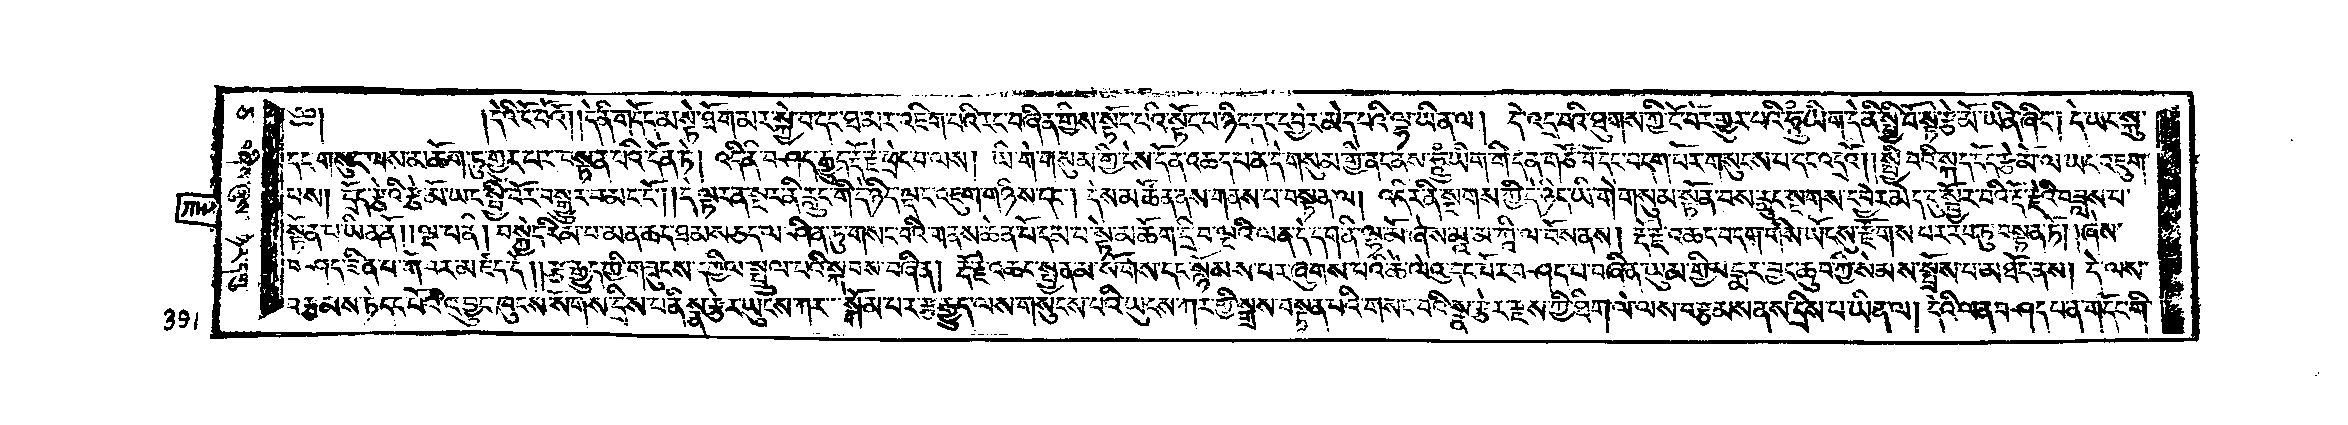༄༅། །དེའི་ངོ་བོའོ། །དེ་ནི་གདོད་མ་སྟེ་ཐོག་མར་སྐྱེ་བ་དང་ཐ་མར་འཇིག་པའི་རང་བཞིན་གྱིས་སྟོང་པའི་སྟོང་པ་ཉིད་དང་དབྱེར་མེད་པའི་ལྷ་ཡིན་ལ། དེ་འདྲ་བའི་ཐུགས་ཀྱི་ངོ་བོར་གྱུར་པའི་ཧཱུཾ་ཡིག་དེ་ནི་སྤྱི་བོ་སྟེ་རྩེ་མོ་ཡིན་ཞིང་། དེ་ཡང་སྐུ་
དང་གསུང་ལས་མཆོག་ཏུ་གྱུར་པར་བསྟན་པའི་དོན་ཏེ། འདི་ནི་བཤད་རྒྱུད་རྡོ་རྗེ་ཕྲེང་བ་ལས། ཡི་གེ་གསུམ་གྱི་ངེས་དོན་འཆད་པ་ན་དེ་གསུམ་གྱི་ནང་ནས་ཧཱུཾ་ཡིག་གི་དོན་གཙོ་བོ་དང་བདག་པོར་གསུངས་པ་དང་འདྲའོ། །སྤྱི་བོའི་སྐད་དོད་རྩེ་མོ་ལ་ཡང་འཇུག་
པས། དྲོད་རྩེའི་རྩེ་མོ་ཡང་སྤྱི་བོར་བསྒྱུར་བ་མང་ངོ། །དེ་ལྟར་ན་སྔར་ནི་རླུང་གི་དེ་ཉིད་ལྡང་འཇུག་གཉིས་དང་། དེས་མཚོན་ནས་གནས་པ་བསྟན་ལ། འདིར་ནི་སྔགས་ཀྱི་དེ་ཉིད་ཡི་གེ་གསུམ་སྟོན་བས་རླུང་སྔགས་དབྱེར་མེད་དུ་སྦྱོར་བའི་རྡོ་རྗེའི་བཟླས་པ་
སྟོན་པ་ཡིན་ནོ། །ལྔ་པ་ནི། བསྐྱེད་རིམ་པ་མན་ཆད་ཐམས་ཅད་ལ་ཤིན་ཏུ་གསང་བའི་གནས་ཆེན་པོ་དམ་པ་སྟེ་མཆོག་དྲི་བ་ལྔའི་ལན་དེ་དག་ནི་ལྷ་མོ་ཞེས་མཱ་མ་ཀཱི་ལ་བོས་ནས། རྡོ་རྗེ་འཆང་བདག་གིས་ཡོངས་སུ་རྫོགས་པར་རབ་ཏུ་བསྟན་ཏོ། །ཞེས་
བཤད་ཟིན་པ་གོ་བར་མཛད་དོ། །རྩ་རྒྱུད་ཀྱི་གཟུངས་དཀྱིལ་སྤྲུལ་པའི་སྐབས་བཞིན། རྡོ་རྗེ་འཆང་སྤྱན་མ་སོགས་དང་སྙོམས་པར་ཞུགས་པའི་ཚེ་ལེའུ་དང་པོར་བཤད་པ་བཞིན་ཡུམ་གྱི་པདམར་བྱང་ཆུབ་ཀྱི་སེམས་སྤྲོས་པ་མཐོང་ནས། དེ་ལས་
བརྩམས་ཏེ་དང་པོའི་འབྱུང་ཁུངས་སོགས་དྲིས་པ་ནི་སྣ་རྩེར་ཡུངས་ཀར་སྒོམ་པར་རྩ་རྒྱུད་ལས་གསུངས་པའི་ཡུངས་ཀར་གྱི་སྒྲས་བསྟན་པའི་གསང་བའི་སྣ་རྩེར་རྫས་ཀྱི་ཐིག་ལེ་ལས་བརྩམས་ནས་དྲིས་པ་ཡིན་ལ། དེའི་ལན་བཤད་པ་ན་གདོང་གི་